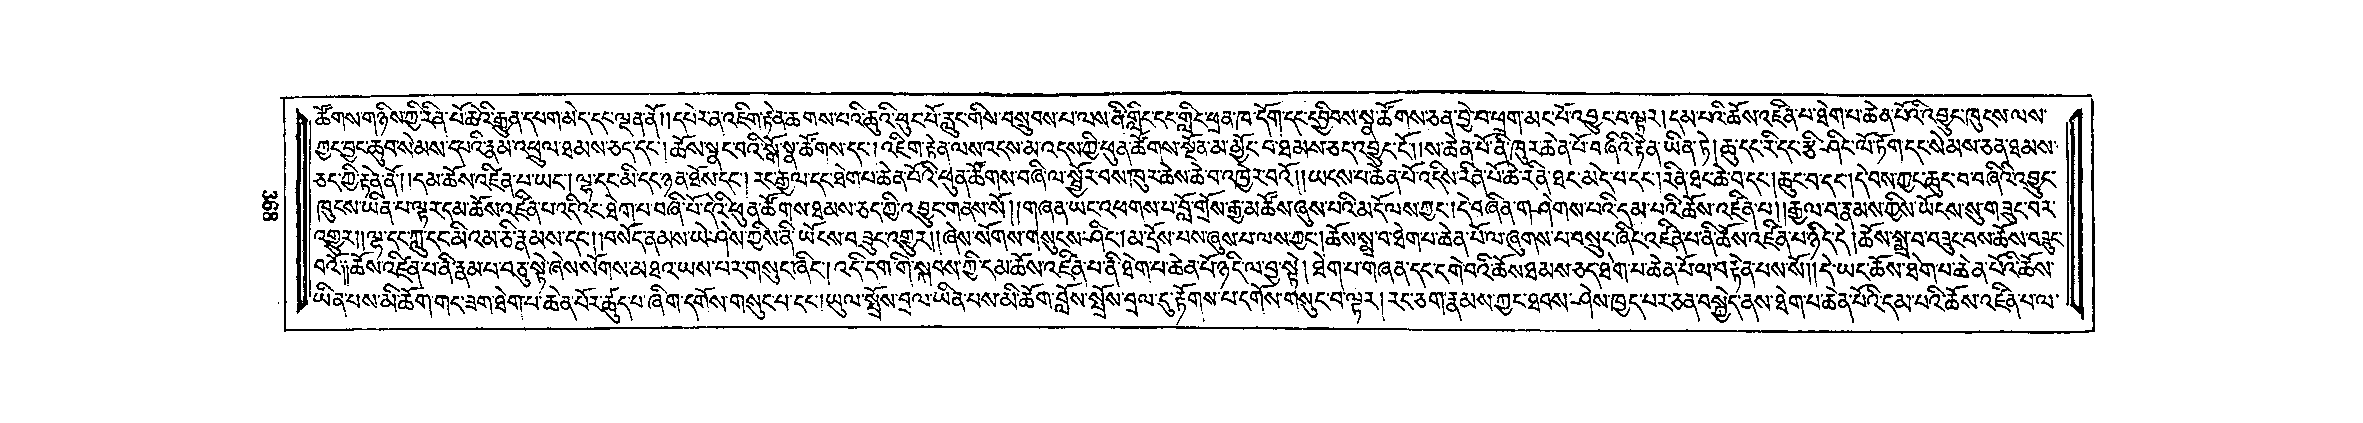ཚོགས་གཉིས་ཀྱི་རིན་པོ་ཆེའི་རྒྱུན་དཔག་མེད་དང་ལྡན་ནོ། །དཔེར་ན་འཇིག་རྟེན་ཆགས་པའི་ཆུའི་ཕུང་པོ་རླུང་གིས་བསྲུབས་པ་ལས་ནི་གླིང་དང་གླིང་ཕྲན་ཁ་དོག་དང་དབྱིབས་སྣ་ཚོགས་ཅན་བྱེ་བ་ཕྲག་མང་པོ་འབྱུང་བ་ལྟར། དམ་པའི་ཆོས་འཛིན་པ་ཐེག་པ་ཆེན་པོའི་འབྱུང་ཁུངས་ལས་
ཀྱང་བྱང་ཆུབ་སེམས་དཔའི་རྣམ་འཕྲུལ་ཐམས་ཅད་དང་། ཆོས་སྣང་བའི་སྒོ་སྣ་ཚོགས་དང་། འཇིག་རྟེན་ལས་འདས་མ་འདས་ཀྱི་ཕུན་ཚོགས་སྔོན་མ་མྱོང་བ་ཐམས་ཅད་འབྱུང་ངོ། །ས་ཆེན་པོ་ནི་ཁུར་ཆེན་པོ་བཞིའི་རྟེན་ཡིན་ཏེ། ཆུ་དང་རི་དང་རྩི་ཤིང་ལོ་ཏོག་དང་སེམས་ཅན་ཐམས་
ཅད་ཀྱི་རྟེན་ནོ། །དམ་ཆོས་འཛིན་པ་ཡང་། ལྷ་དང་མི་དང་ཉན་ཐོས་དང་། རང་རྒྱལ་དང་ཐེག་པ་ཆེན་པོའི་ཕུན་ཚོགས་བཞི་ལ་སྦྱོར་བས་ཁུར་ཆེས་ཆེ་བ་འཁྱེར་བའོ། །ཡངས་པ་ཆེན་པོ་འདིས་རིན་པོ་ཆེ་རིན་ཐང་མེད་པ་དང་། རིན་ཐང་ཆེ་བ་དང་། ཆུང་བ་དང་། དེ་བས་ཀྱང་ཆུང་བ་བཞིའི་འབྱུང་
ཁུངས་ཡིན་པ་ལྟར་དམ་ཆོས་འཛིན་པ་འདིའང་ཐེག་པ་བཞི་པོ་དེའི་ཕུན་ཚོགས་ཐམས་ཅད་ཀྱི་འབྱུང་གནས་སོ། །གཞན་ཡང་འཕགས་པ་བློ་གྲོས་རྒྱ་མཚོས་ཞུས་པའི་མདོ་ལས་ཀྱང་། དེ་བཞིན་གཤེགས་པའི་དམ་པའི་ཆོས་འཛིན་པ། །རྒྱལ་བ་རྣམས་ཀྱིས་ཡོངས་སུ་གཟུང་བར་
འགྱུར། །ལྷ་དང་ཀླུ་དང་མི་འམ་ཅི་རྣམས་དང་། །བསོད་ནམས་ཡེ་ཤེས་ཀྱིས་ནི་ཡོངས་བཟུང་འགྱུར། །ཞེས་སོགས་གསུངས་ཤིང་། མ་དྲོས་པས་ཞུས་པ་ལས་ཀྱང་། ཆོས་སྨྲ་བ་ཐེག་པ་ཆེན་པོ་ལ་ཞུགས་པ་བསྲུང་ཞིང་འཛིན་པ་ནི་ཆོས་འཛིན་པ་ཉིད་དེ། ཆོས་སྨྲ་བ་བཟུང་བས་ཆོས་བཟུང་
བའོ། །ཆོས་འཛིན་པ་ནི་རྣམ་པ་བཅུ་སྟེ་ཞེས་སོགས་མཐའ་ཡས་པར་གསུང་ཞིང་། འདི་དག་གི་སྐབས་ཀྱི་དམ་ཆོས་འཛིན་པ་ནི་ཐེག་པ་ཆེན་པོ་ཉིད་ལ་བྱ་སྟེ། ཐེག་པ་གཞན་དང་དགེ་བའི་ཆོས་ཐམས་ཅད་ཐེག་པ་ཆེན་པོ་ལ་བརྟེན་པས་སོ། །དེ་ཡང་ཆོས་ཐེག་པ་ཆེན་པོའི་ཆོས་
ཡིན་པས་མི་ཆོག་གང་ཟག་ཐེག་པ་ཆེན་པོར་ཚུད་པ་ཞིག་དགོས་གསུང་པ་དང་། ཡུལ་སྤྲོས་བྲལ་ཡིན་པས་མི་ཆོག་བློས་སྤྲོས་བྲལ་དུ་རྟོགས་པ་དགོས་གསུང་བ་ལྟར། རང་ཅག་རྣམས་ཀྱང་ཐབས་ཤེས་ཁྱད་པར་ཅན་བསྐྱེད་ནས་ཐེག་པ་ཆེན་པོའི་དམ་པའི་ཆོས་འཛིན་པ་ལ་